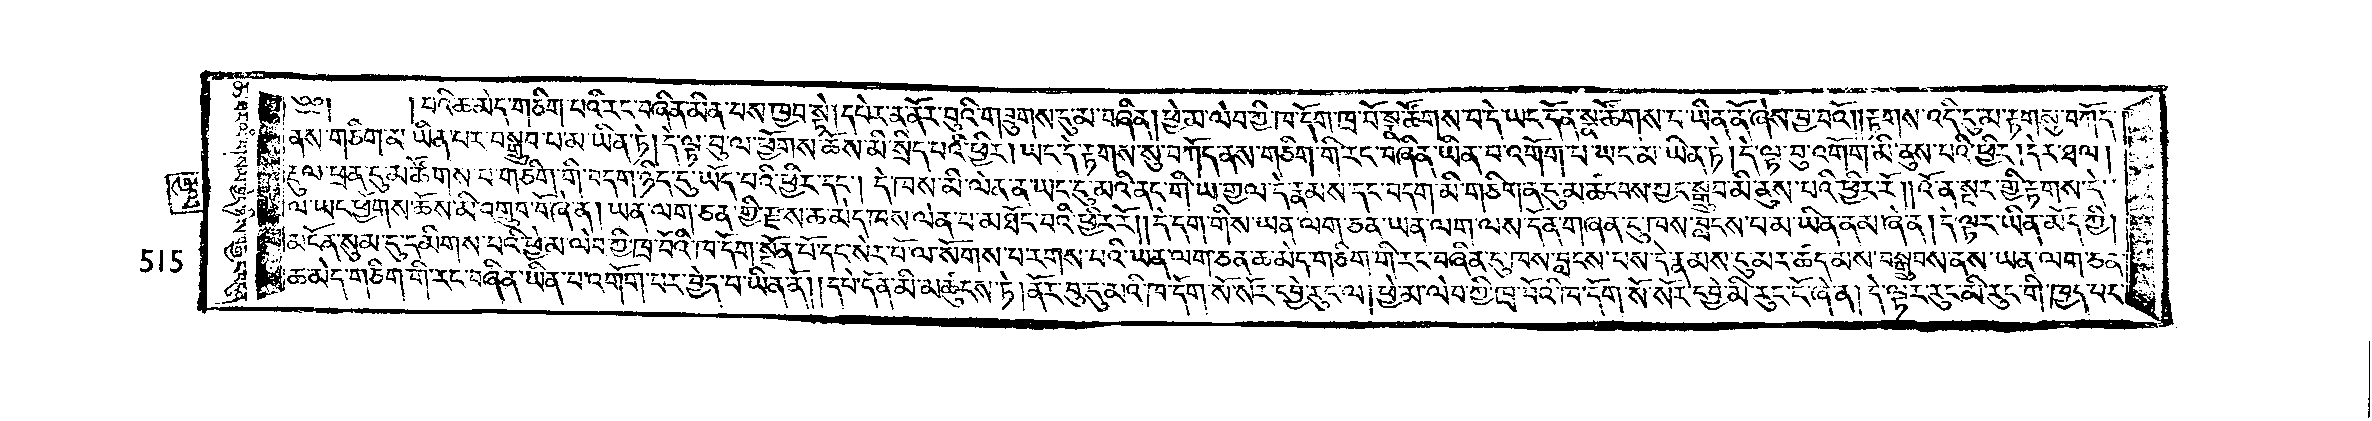༄༅། །པའི་ཆ་མེད་གཅིག་པའི་རང་བཞིན་མིན་པས་ཁྱབ་སྟེ། དཔེར་ན་ནོར་བུའི་གཟུགས་དུ་མ་བཞིན། ཕྱེ་མ་ལེབ་ཀྱི་ཁ་དོག་ཁྲ་བོ་སྣ་ཚོགས་པ་དེ་ཡང་དོན་སྣ་ཚོགས་པ་ཡིན་ནོ་ཞེས་བྱ་བའོ། །རྟགས་འདི་དུ་མ་རྟགས་སུ་བཀོད་
ནས་གཅིག་མ་ཡིན་པར་བསྒྲུབ་པ་མ་ཡིན་ཏེ། དེ་ལྟ་བུ་ལ་ཕྱོགས་ཆོས་མི་སྲིད་པའི་ཕྱིར། ཡང་དེ་རྟགས་སུ་བཀོད་ནས་གཅིག་གི་རང་བཞིན་ཡིན་པ་འགོག་པ་ཡང་མ་ཡིན་ཏེ། དེ་ལྟ་བུ་འགོག་མི་ནུས་པའི་ཕྱིར། དེར་ཐལ།
རྡུལ་ཕྲན་དུ་མ་ཚོགས་པ་གཅིག་གི་བདག་ཉིད་དུ་ཡོད་པའི་ཕྱིར་དང་། དེ་ཁས་མི་ལེན་ན་ཡང་དུ་མའི་ནང་གི་ཡ་གྱལ་དེ་རྣམས་དང་བདག་མི་གཅིག་ན་དུ་མ་ཚད་བས་ཀྱང་སྒྲུབ་མི་ནུས་པའི་ཕྱིར་རོ། །འོ་ན་སྔར་གྱི་རྟགས་དེ་
ལ་ཡང་ཕྱོགས་ཆོས་མི་འགྲུབ་བོ་ཞེ་ན། ཡན་ལག་ཅན་གྱི་རྫས་ཆ་མེད་ཁས་ལེན་པ་མཐོང་བའི་ཕྱིར་རོ། །དེ་དག་གིས་ཡན་ལག་ཅན་ཡན་ལག་ལས་དོན་གཞན་དུ་ཁས་བླངས་པ་མ་ཡིན་ནམ་ཞེ་ན། དེ་ལྟར་ཡིན་མོད་ཀྱི།
མངོན་སུམ་དུ་དམིགས་པའི་ཕྱེ་མ་ལེབ་ཀྱི་ཁྲ་བོའི་ཁ་དོག་སྔོན་པོ་དང་སེར་པོ་ལ་སོགས་པ་རིགས་པའི་ཡན་ལག་ཅན་ཆ་མེད་གཅིག་གི་རང་བཞིན་དུ་ཁས་བླངས་པས་དེ་རྣམས་དུ་མར་ཚད་མས་བསྒྲུབས་ནས་ཡན་ལག་ཅན་
ཆ་མེད་གཅིག་གི་རང་བཞིན་ཡིན་པ་འགོག་པར་བྱེད་པ་ཡིན་ནོ། །དཔེ་དོན་མི་མཚུངས་ཏེ། ནོར་བུ་དུ་མའི་ཁ་དོག་སོ་སོར་དབྱེ་རུང་ལ། ཕྱེ་མ་ལེབ་ཀྱི་ཁྲ་བོའི་ཁ་དོག་སོ་སོར་དབྱེ་མི་རུང་ངོ་ཞེ་ན། དེ་ལྟར་རུང་མི་རུང་གི་ཁྱད་པར་